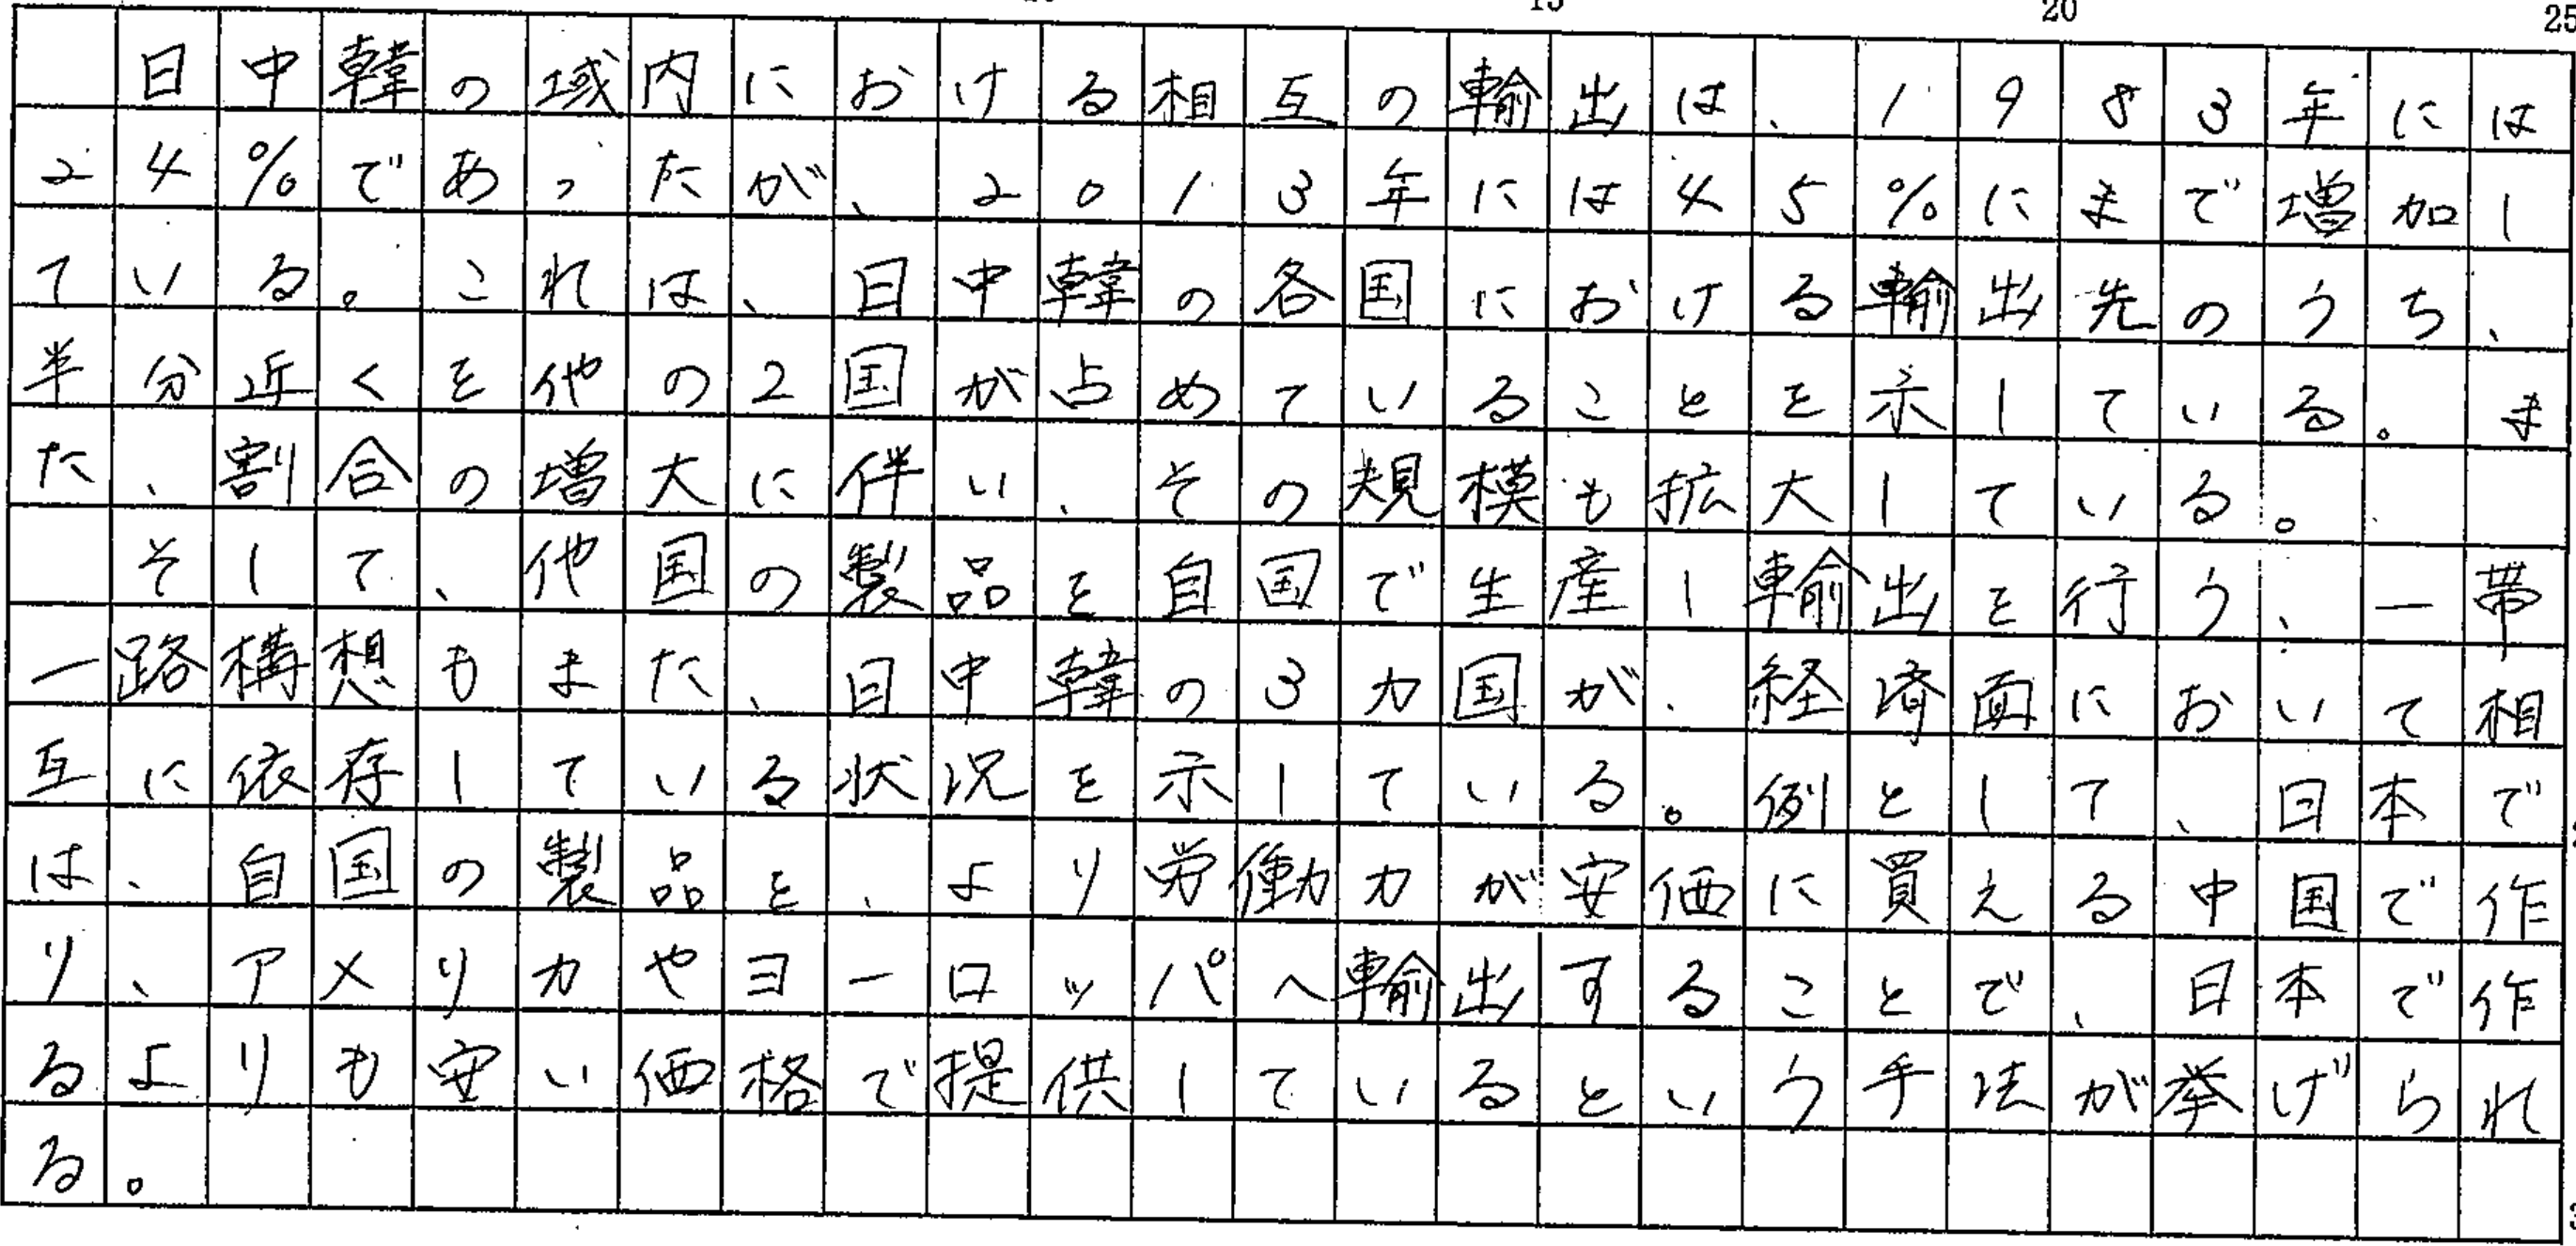　日中韓の域内における相互の輸出は、１９８３年には２４％であったが、２０１３年には４５％にまで増加している。これは、日中韓の各国における輸出先のうち、半分近くを他の２国が占めていることを示している。また、割合の増大に伴い、その規模も拡大している。
　そして、他国の製品を自国で生産し輸出を行う、一帯一路構想もまた、日中韓の３カ国が、経済面において相互に依存している状況を示している。例として、日本では、自国の製品を、より労働力が安価に買える中国で作り、アメリカやヨーロッパへ輸出することで、日本で作るよりも安い価格で提供しているという手法が挙げられる。
